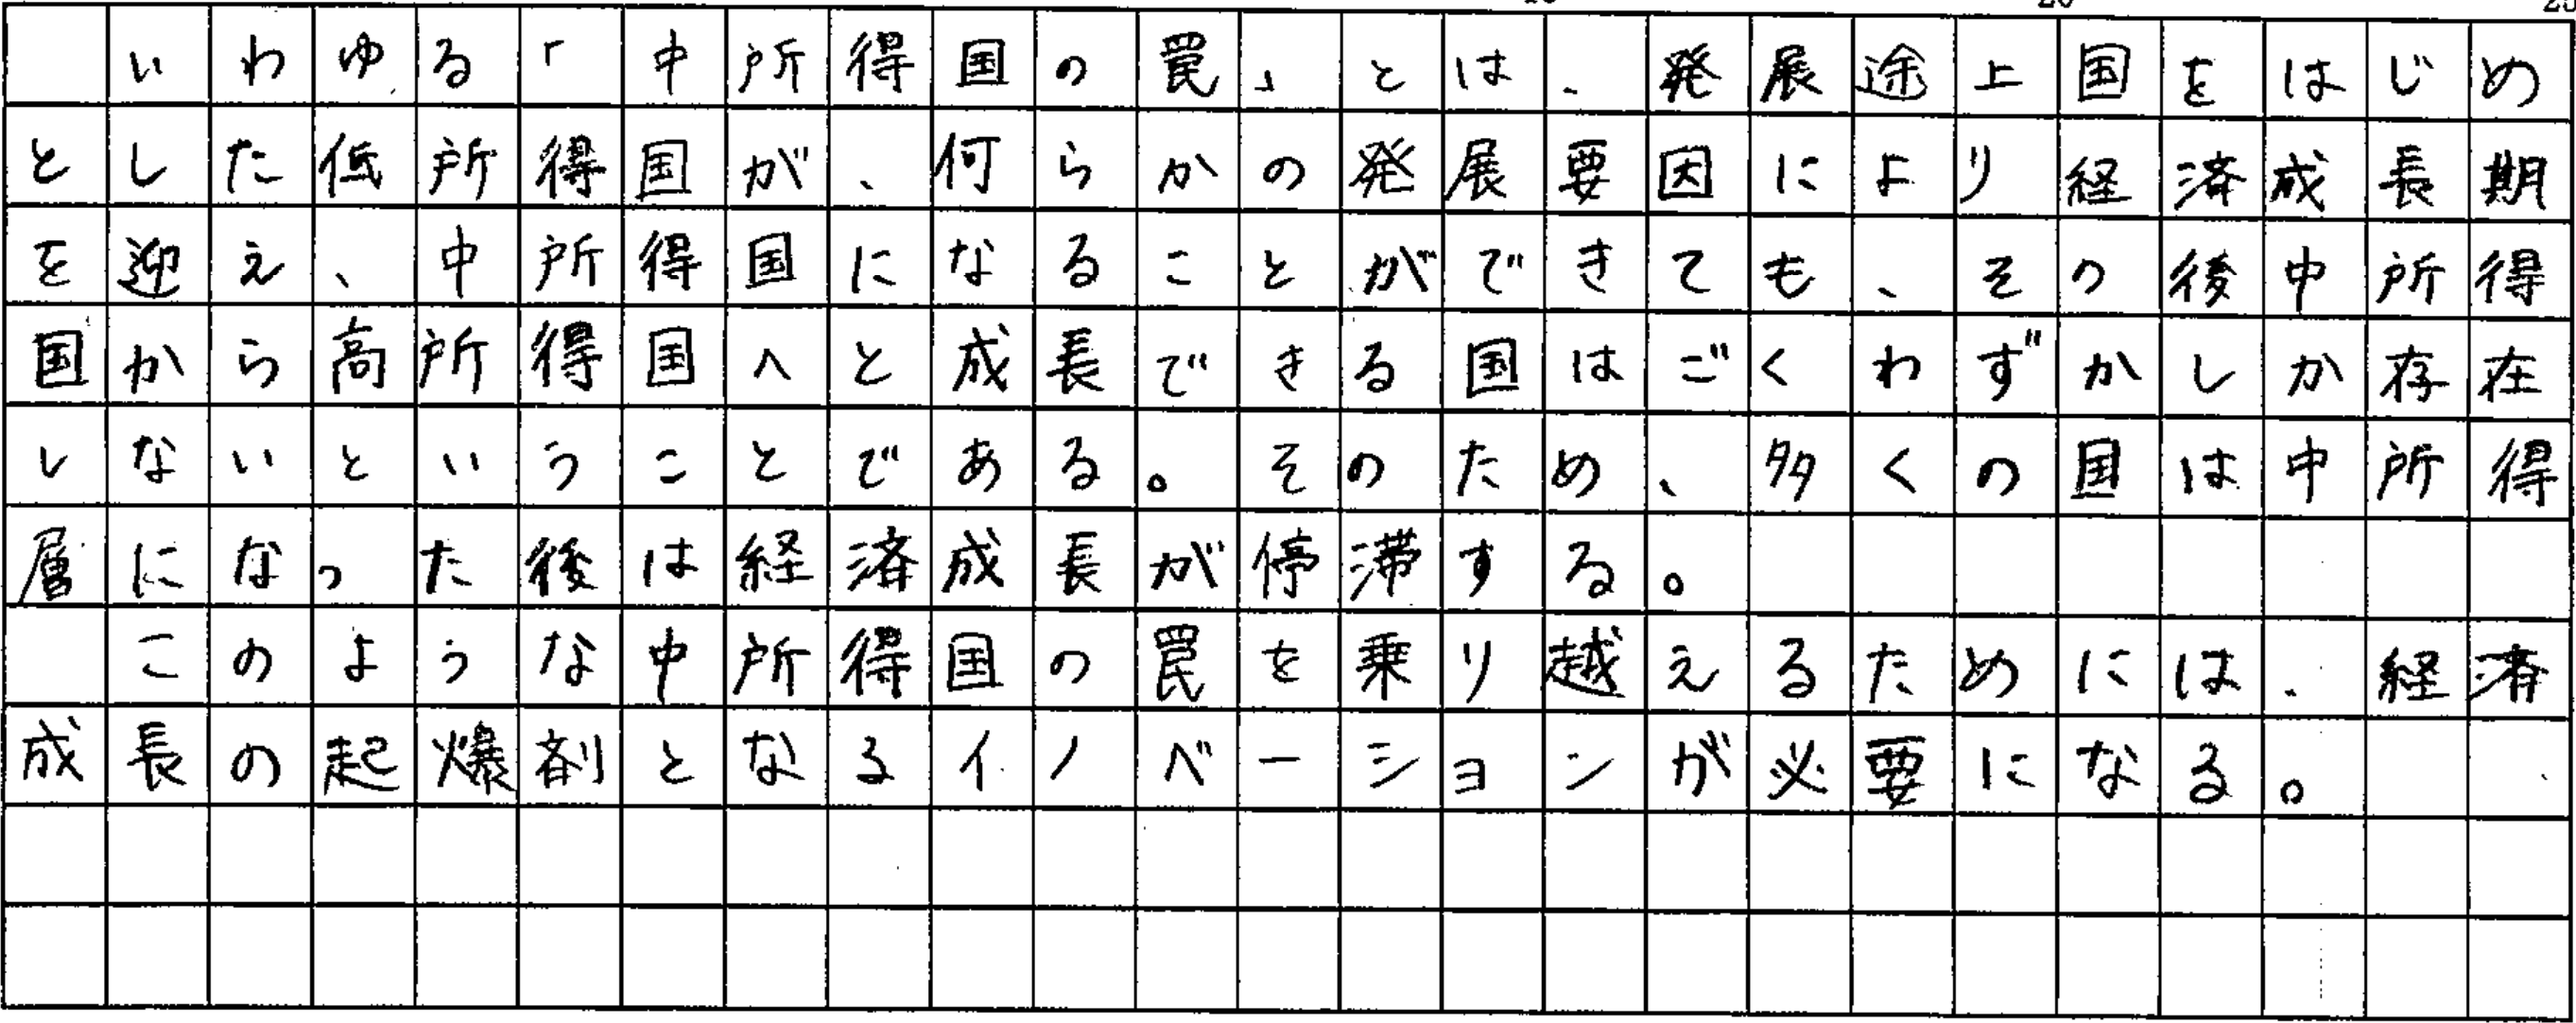　いわゆる「中所得国の罠」とは、発展途上国をはじめとした低所得国が、何らかの発展要因により経済成長期を迎え、中所得国になることができても、その後中所得国から高所得国へと成長できる国はごくわずかしか存在しないということである。そのため、多くの国は中所得層になった後は経済成長が停滞する。
　このような中所得国の罠を乗り越えるためには、経済成長の起爆剤となるイノベーションが必要になる。
